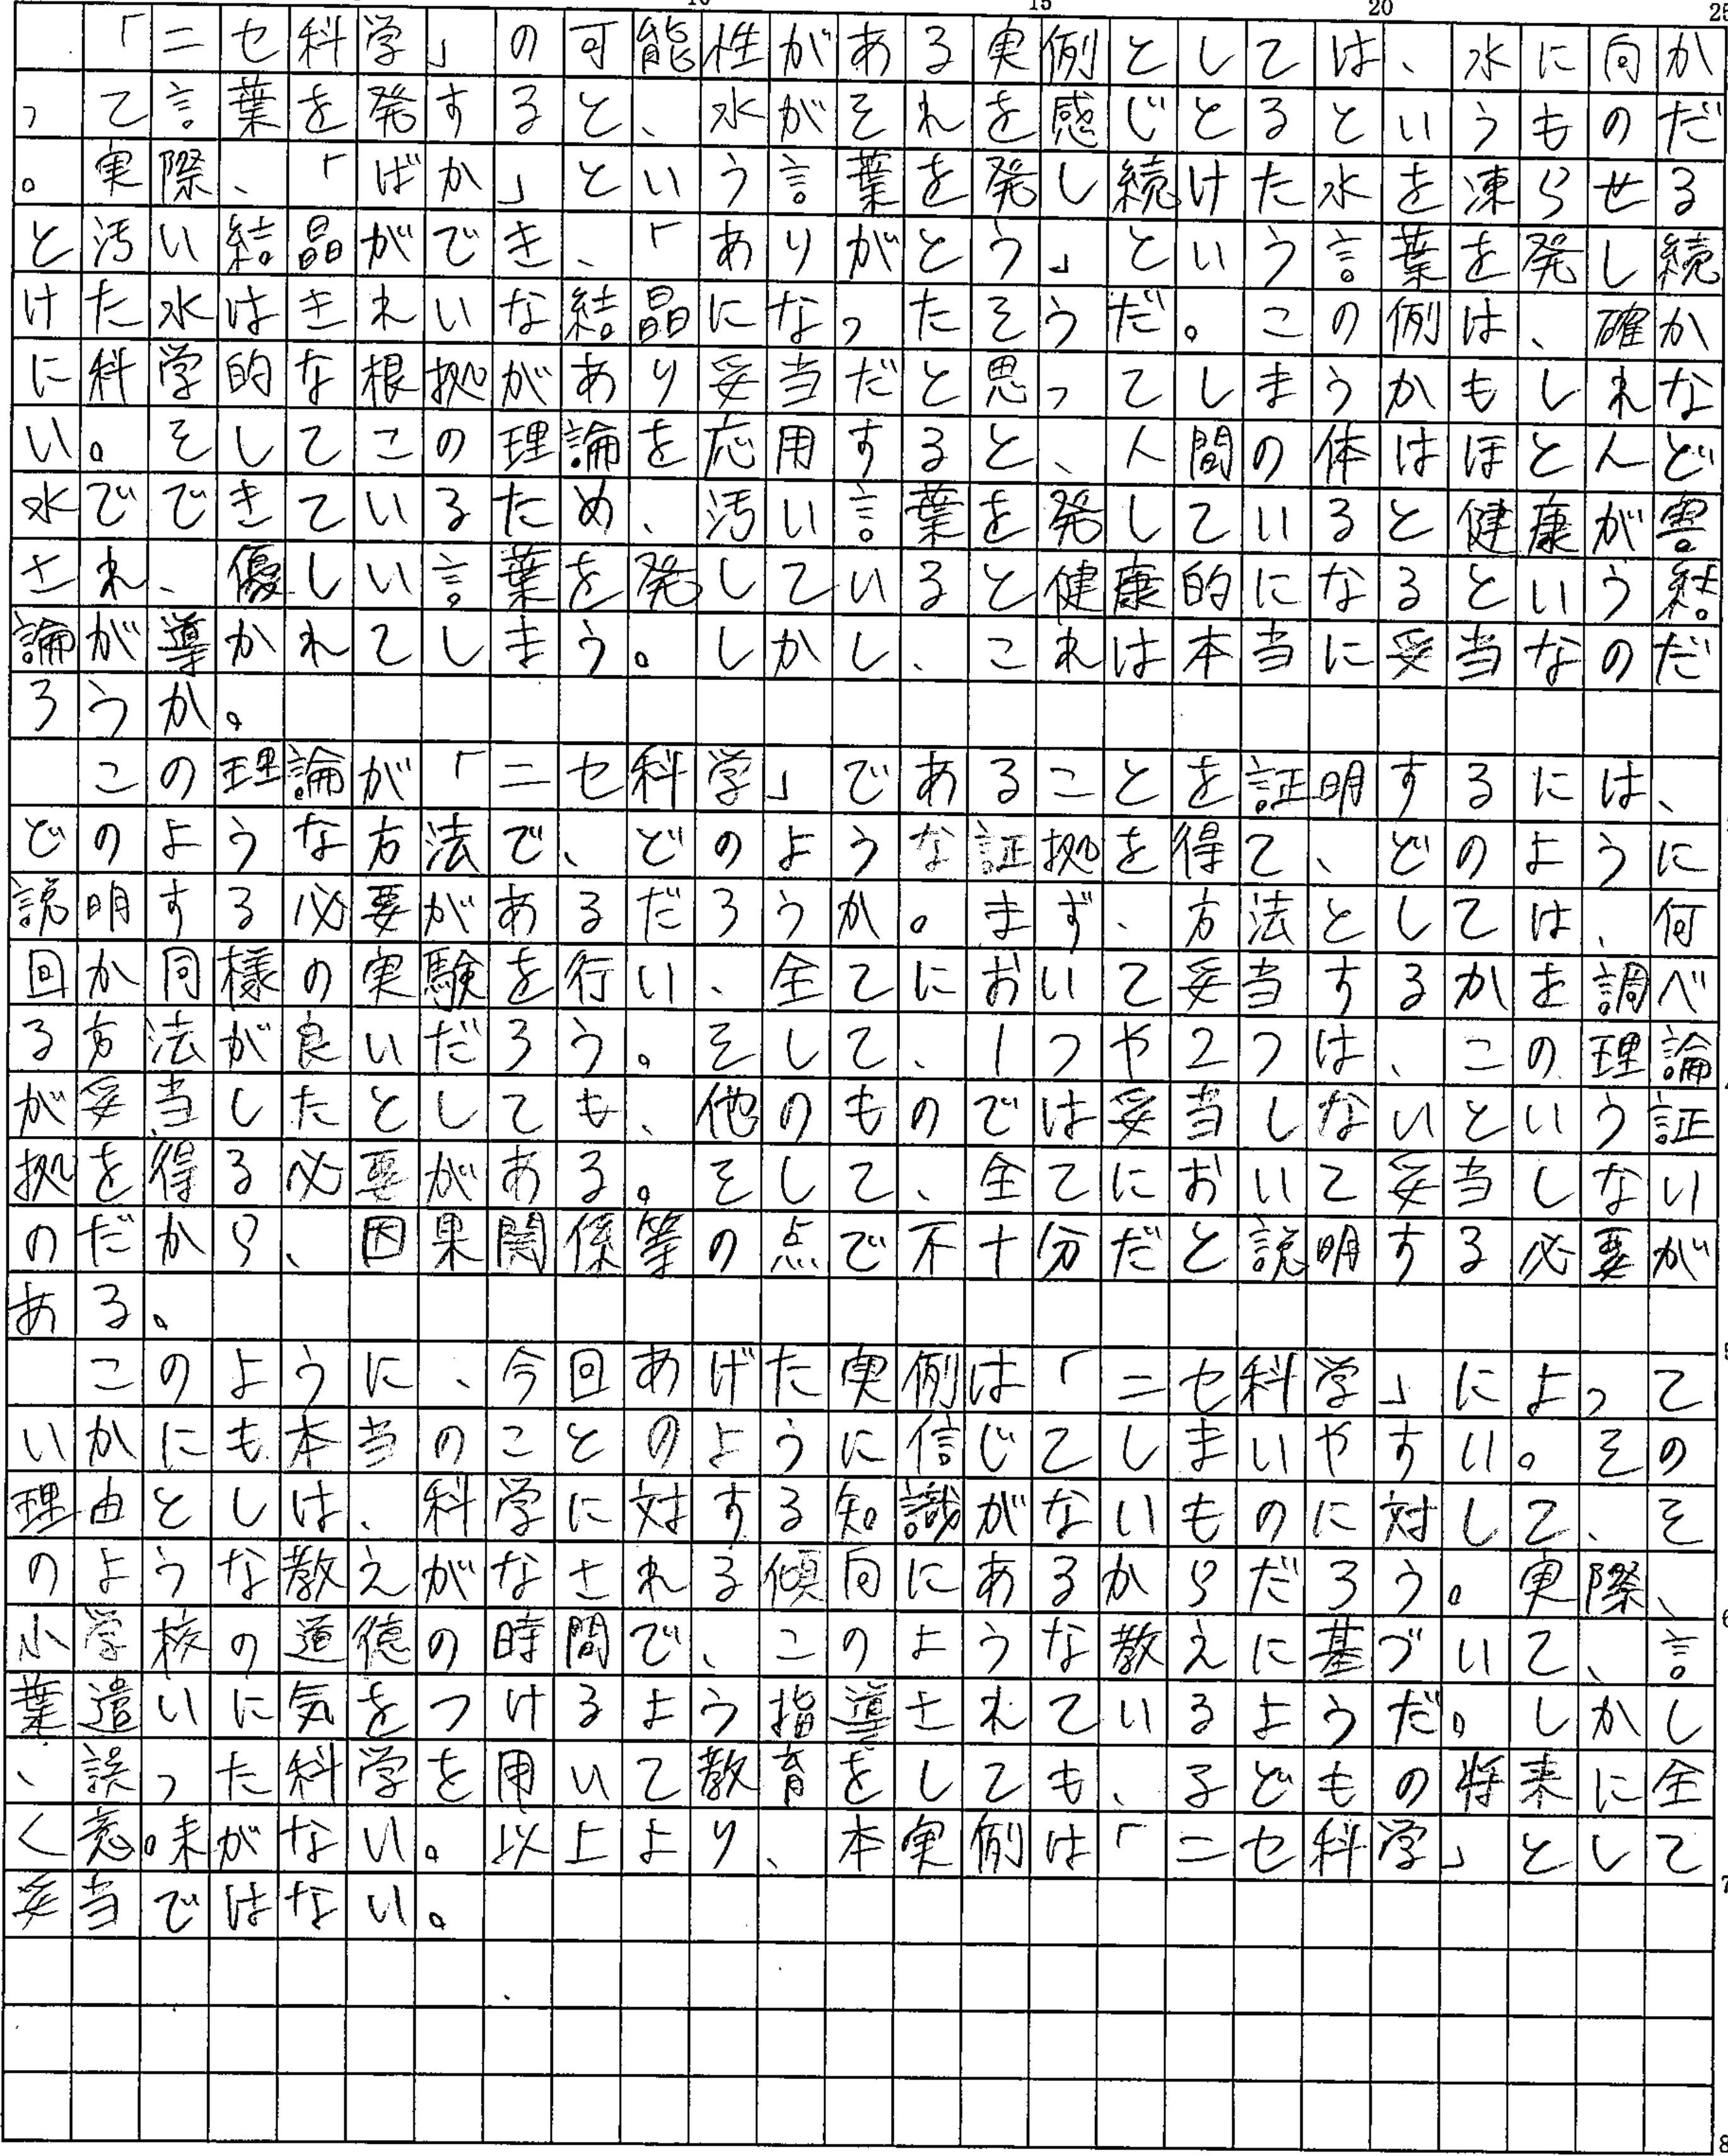　「ニセ科学」の可能性がある実例としては、水に向かって言葉を発すると、水がそれを感じとるというものだ。実際、「ばか」という言葉を発し続けた水を凍らせると汚い結晶ができ、「ありがとう」という言葉を発し続けた水はきれいな結晶になったそうだ。この例は、確かに科学的な根拠があり妥当だと思ってしまうかもしれない。そしてこの理論を応用すると、人間の体はほとんど水でできているため、汚い言葉を発していると健康が害され、優しい言葉を発していると健康的になるという結論が導かれてしまう。しかし、これは本当に妥当なのだろうか。
　この理論が「ニセ科学」であることを証明するには、どのような方法で、どのような証拠を得て、どのように説明する必要があるだろうか。まず、方法としては、何回か同様の実験を行い、全てにおいて妥当するかを調べる方法が良いだろう。そして、１つや２つは、この理論が妥当したとしても、他のものでは妥当しないという証拠を得る必要がある。そして、全てにおいて妥当しないのだから、因果関係等の点で不十分だと説明する必要がある。
　このように、今回あげた実例は「ニセ科学」によっていかにも本当のことのように信じてしまいやすい。その理由としは、科学に対する知識がないものに対して、そのような教えがなされる傾向にあるからだろう。実際、小学校の道徳の時間で、このような教えに基づいて、言葉遣いに気をつけるよう指導されているようだ。しかし、誤った科学を用いて教育をしても、子どもの将来に全く意味がない。以上より、本実例は「ニセ科学」として妥当ではない。
